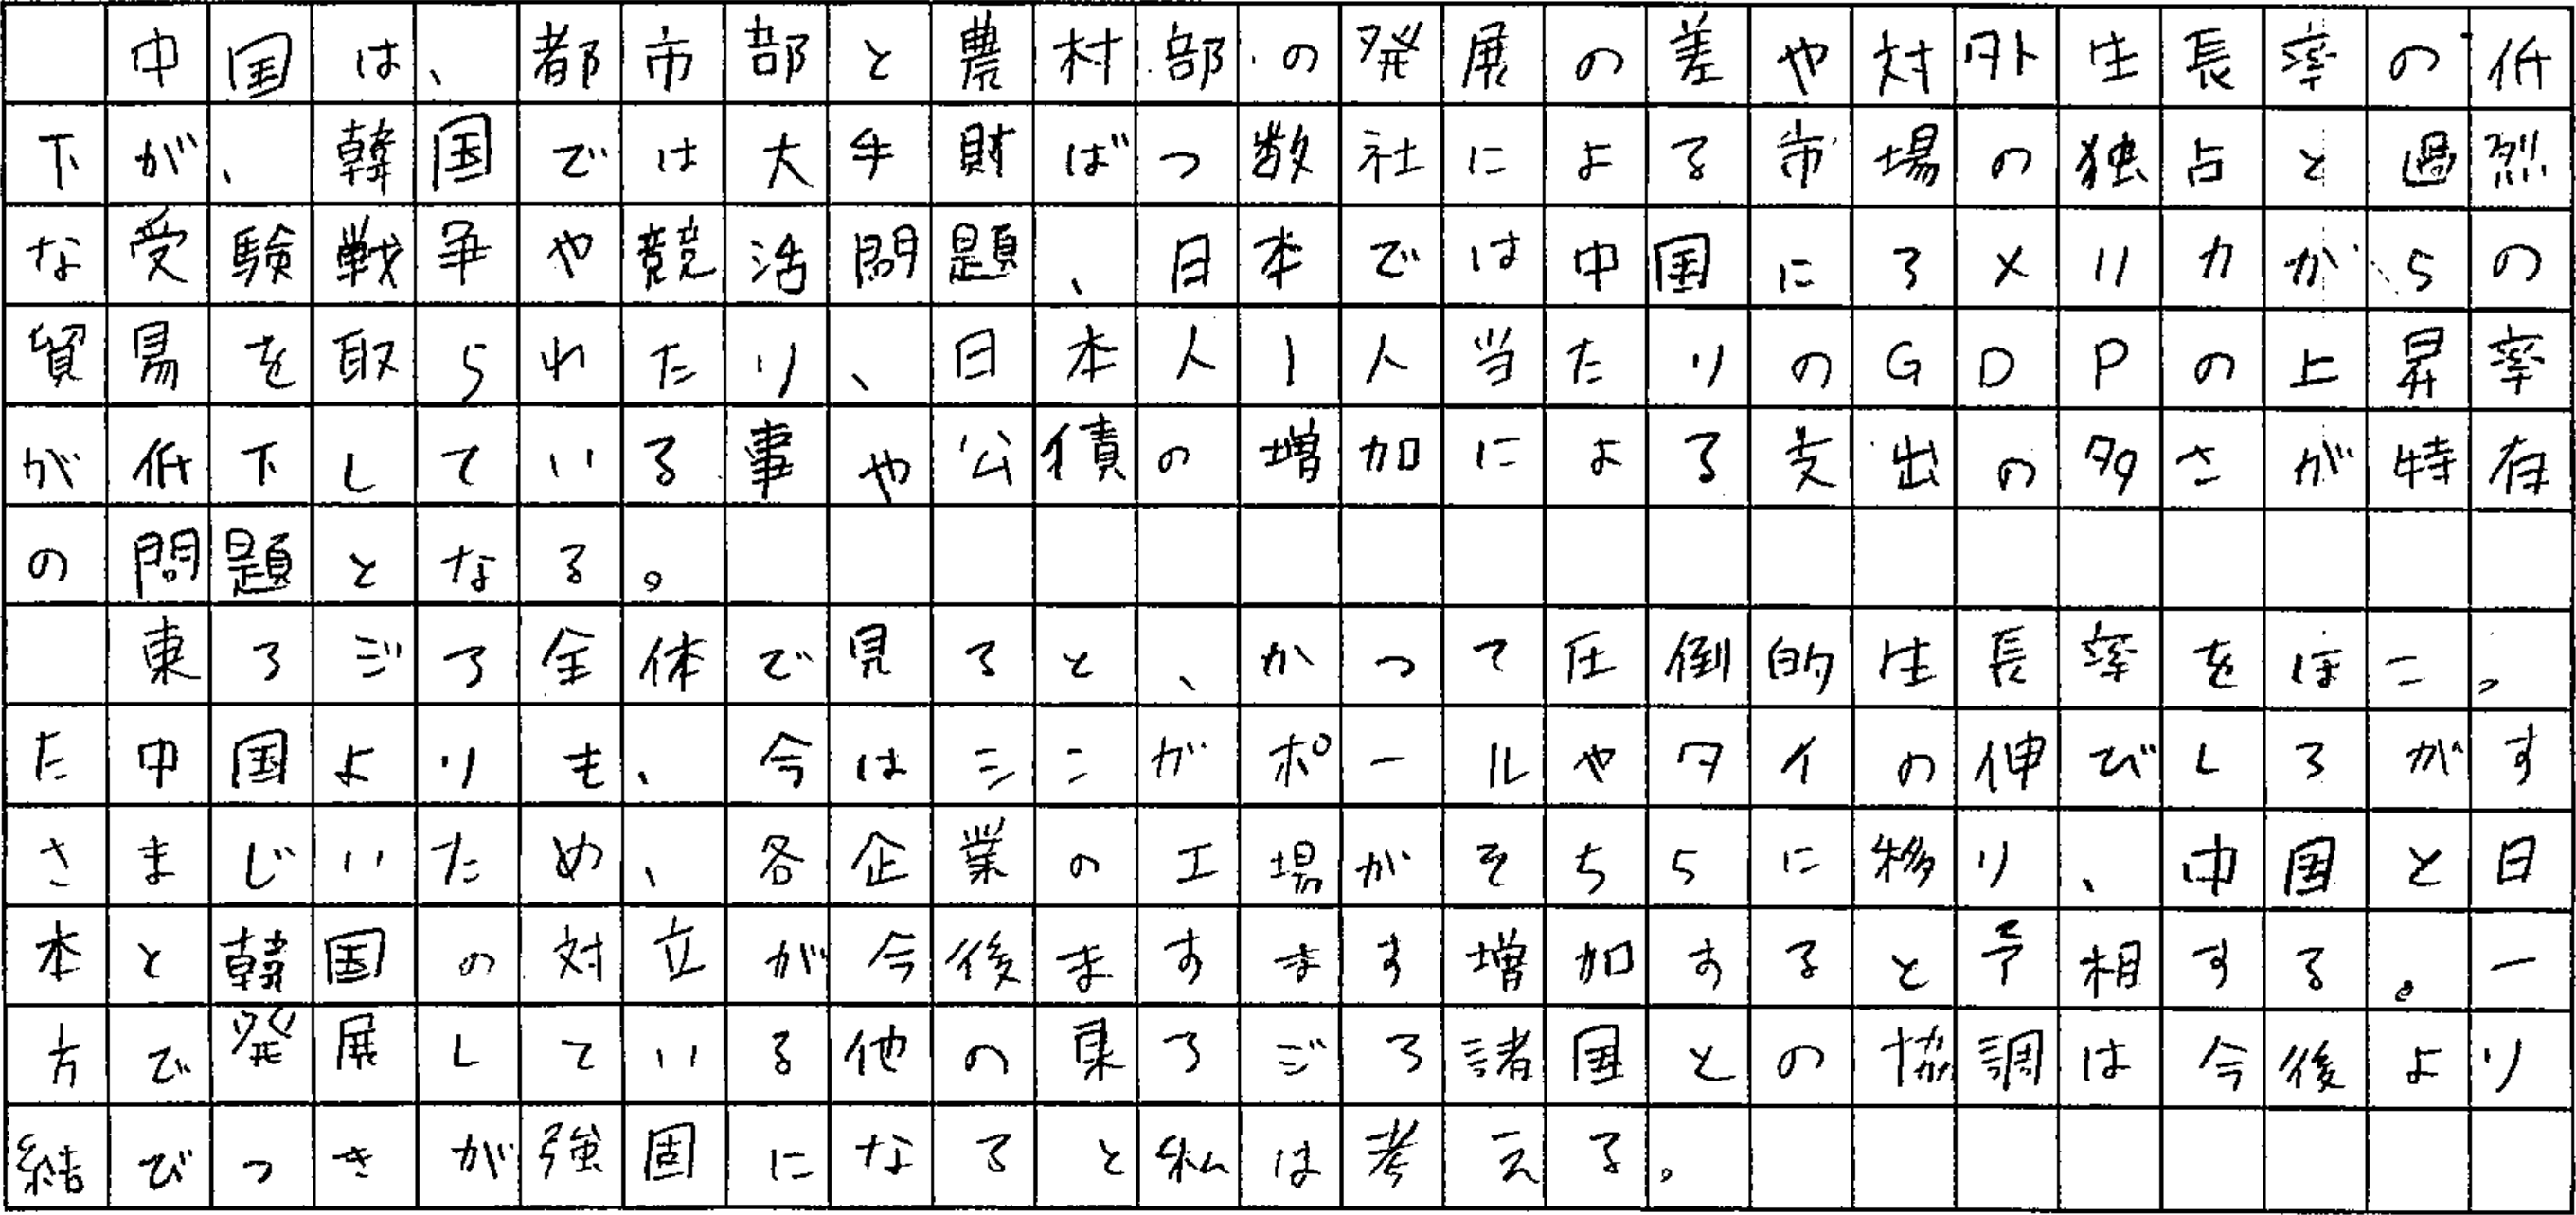　中国は、都市部と農村部の発展の差や対外生長率の▁下が、韓国では大手財ばつ数社による市場の独占と過烈な受験戦争や競活問題、日本では中国にアメリカからの貿易を取られたり、日本人１人当たりのＧＤＰの上昇率が▁下している事や公債の増加による支出の多さが特有の問題となる。
　東アジア全体で見ると、かつて圧倒的生長率をほこった中国よりも、今はシンガポールやタイの伸びしろがすさまじいため、各企業の工場がそちらに移り、中国と日本と韓国の対立が今後ますます増加すると予相する。一方で発展している他の東アジア諸国との協調は今後より結びつきが強固になると私は考える。
